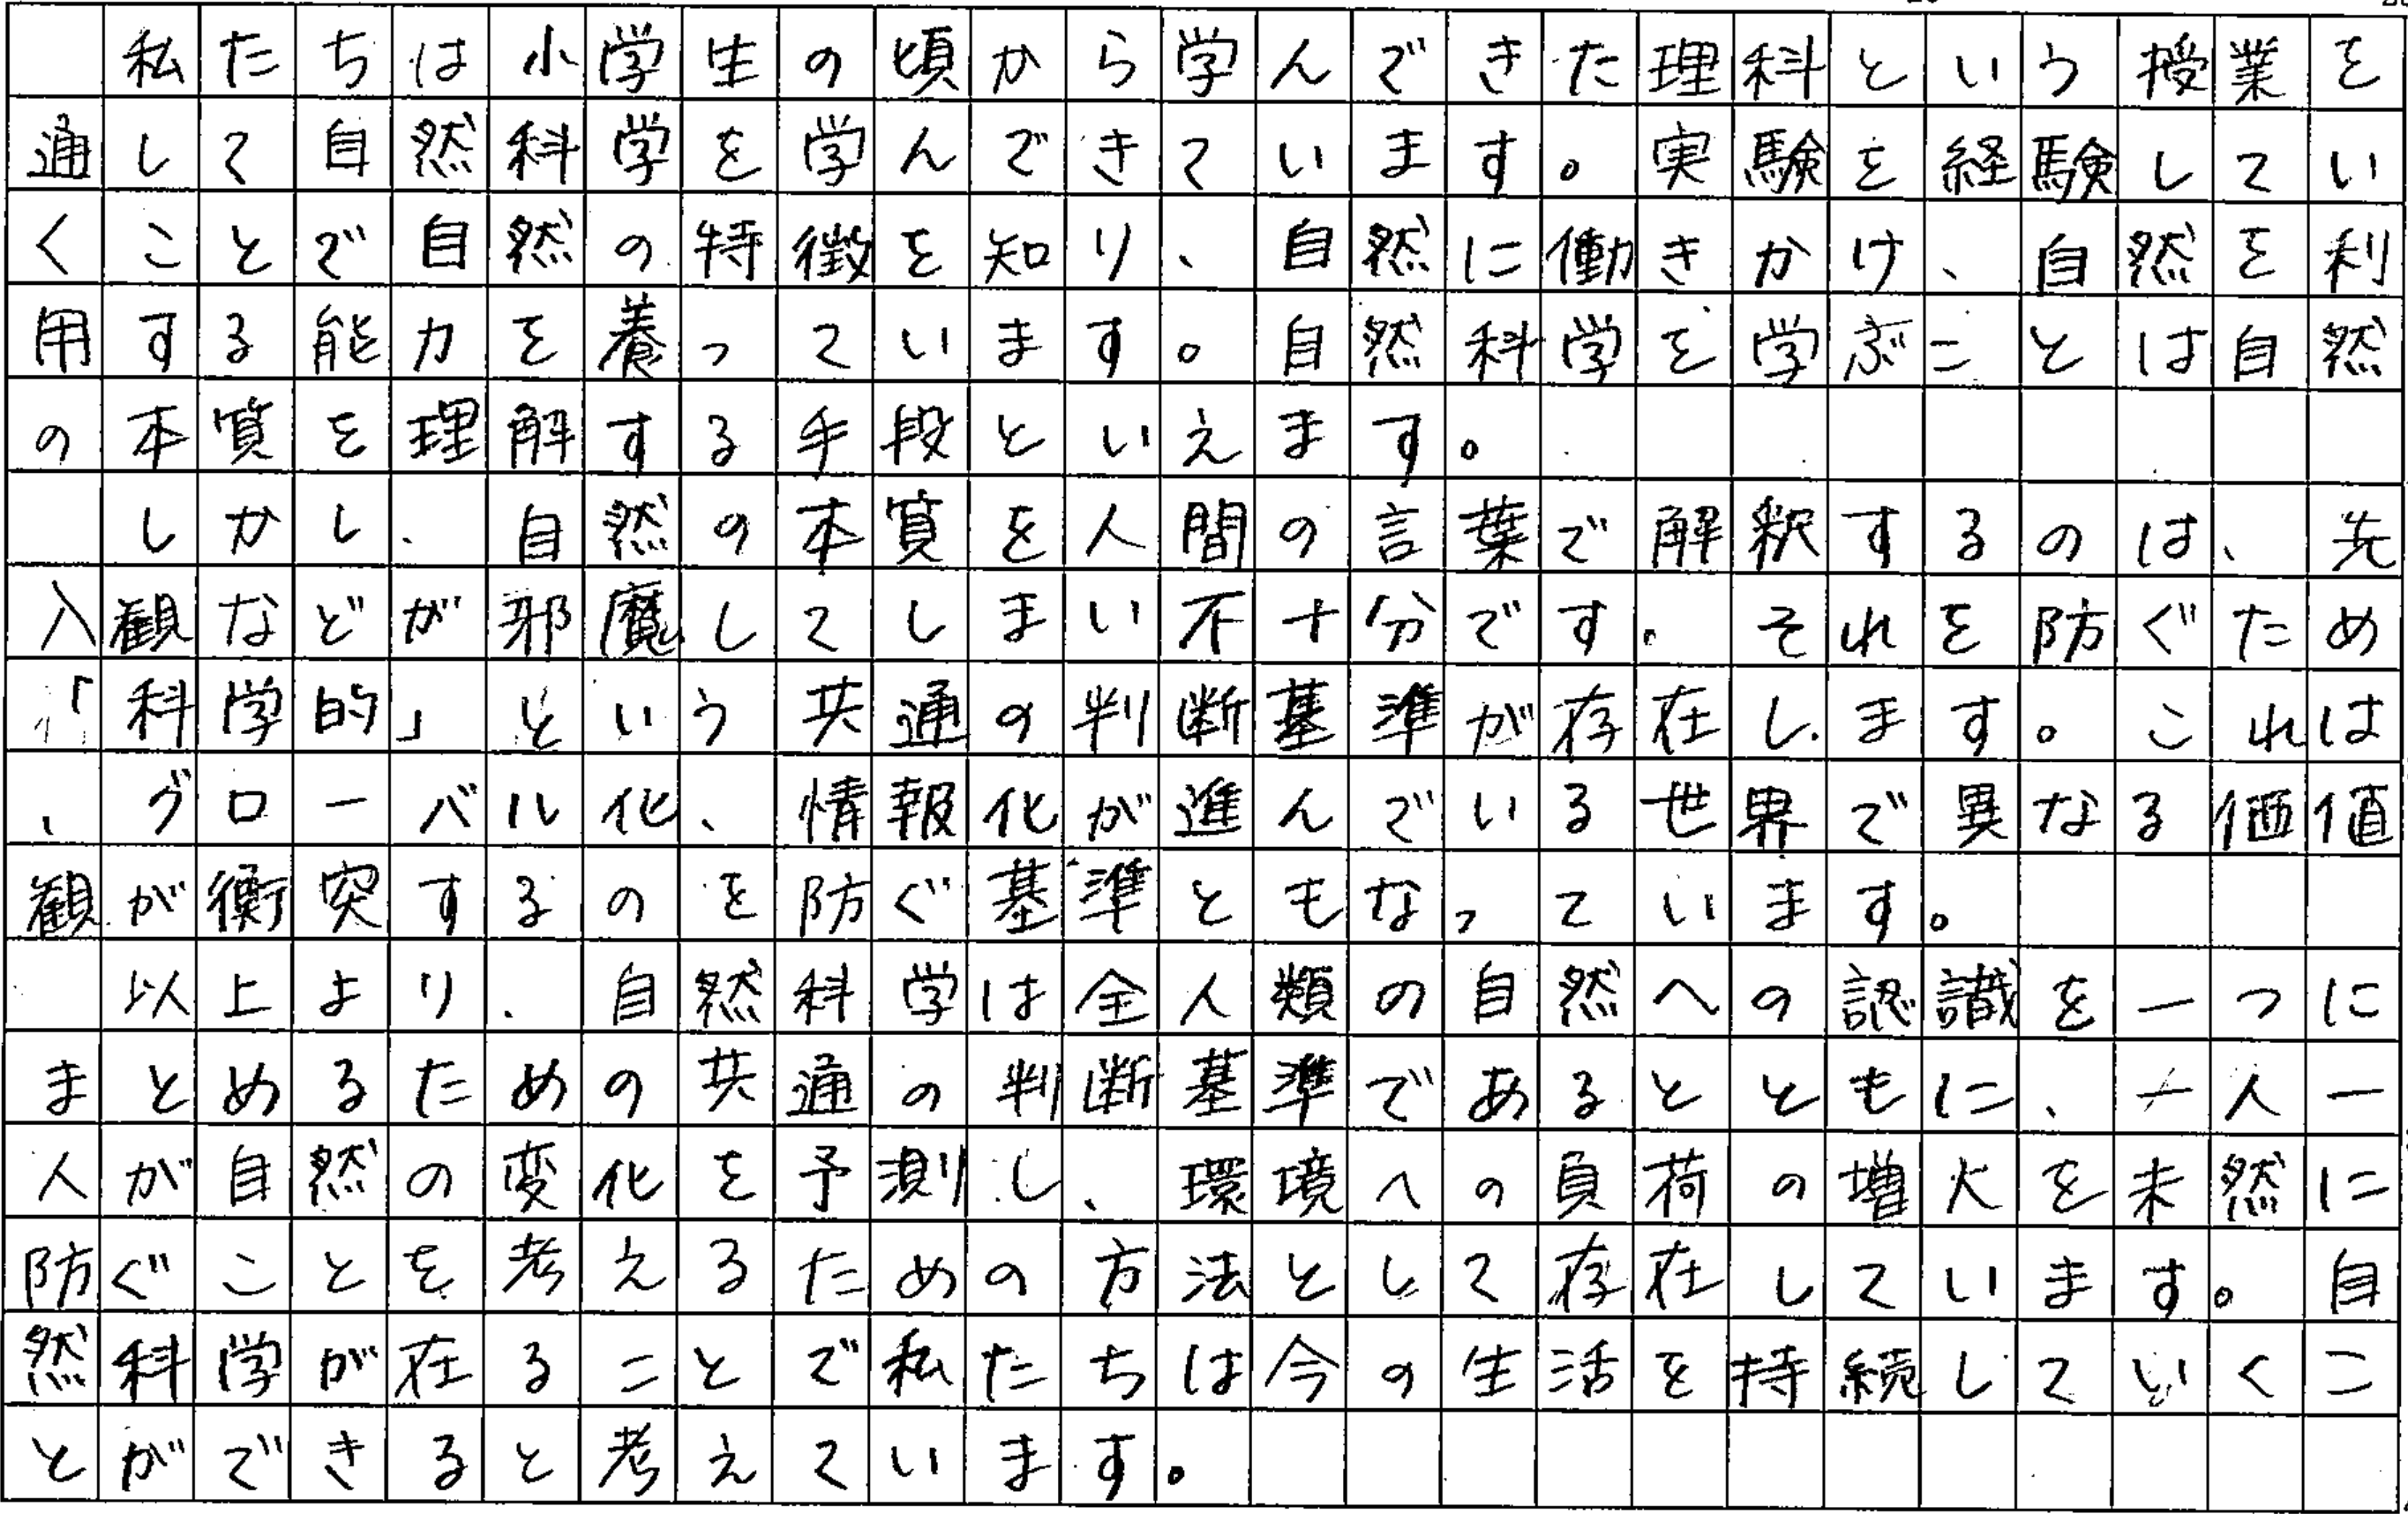　私たちは小学生の頃から学んできた理科という授業を通して自然科学を学んできています。実験を経験していくことで自然の特徴を知り、自然に働きかけ、自然を利用する能力を養っています。自然科学を学ぶことは自然の本質を理解する手段といえます。
　しかし、自然の本質を人間の言葉で解釈するのは、先入観などが邪魔してしまい不十分です。それを防ぐため「科学的」という共通の判断基準が存在します。これは、グローバル化、情報化が進んでいる世界で異なる価値観が衡突するのを防ぐ基準ともなっています。
　以上より、自然科学は全人類の自然への認識を一つにまとめるための共通の判断基準であるとともに、一人一人が自然の変化を予測し、環境への負荷の増大を未然に防ぐことを考えるための方法として存在しています。自然科学が在ることで私たちは今の生活を持続していくことができると考えています。
